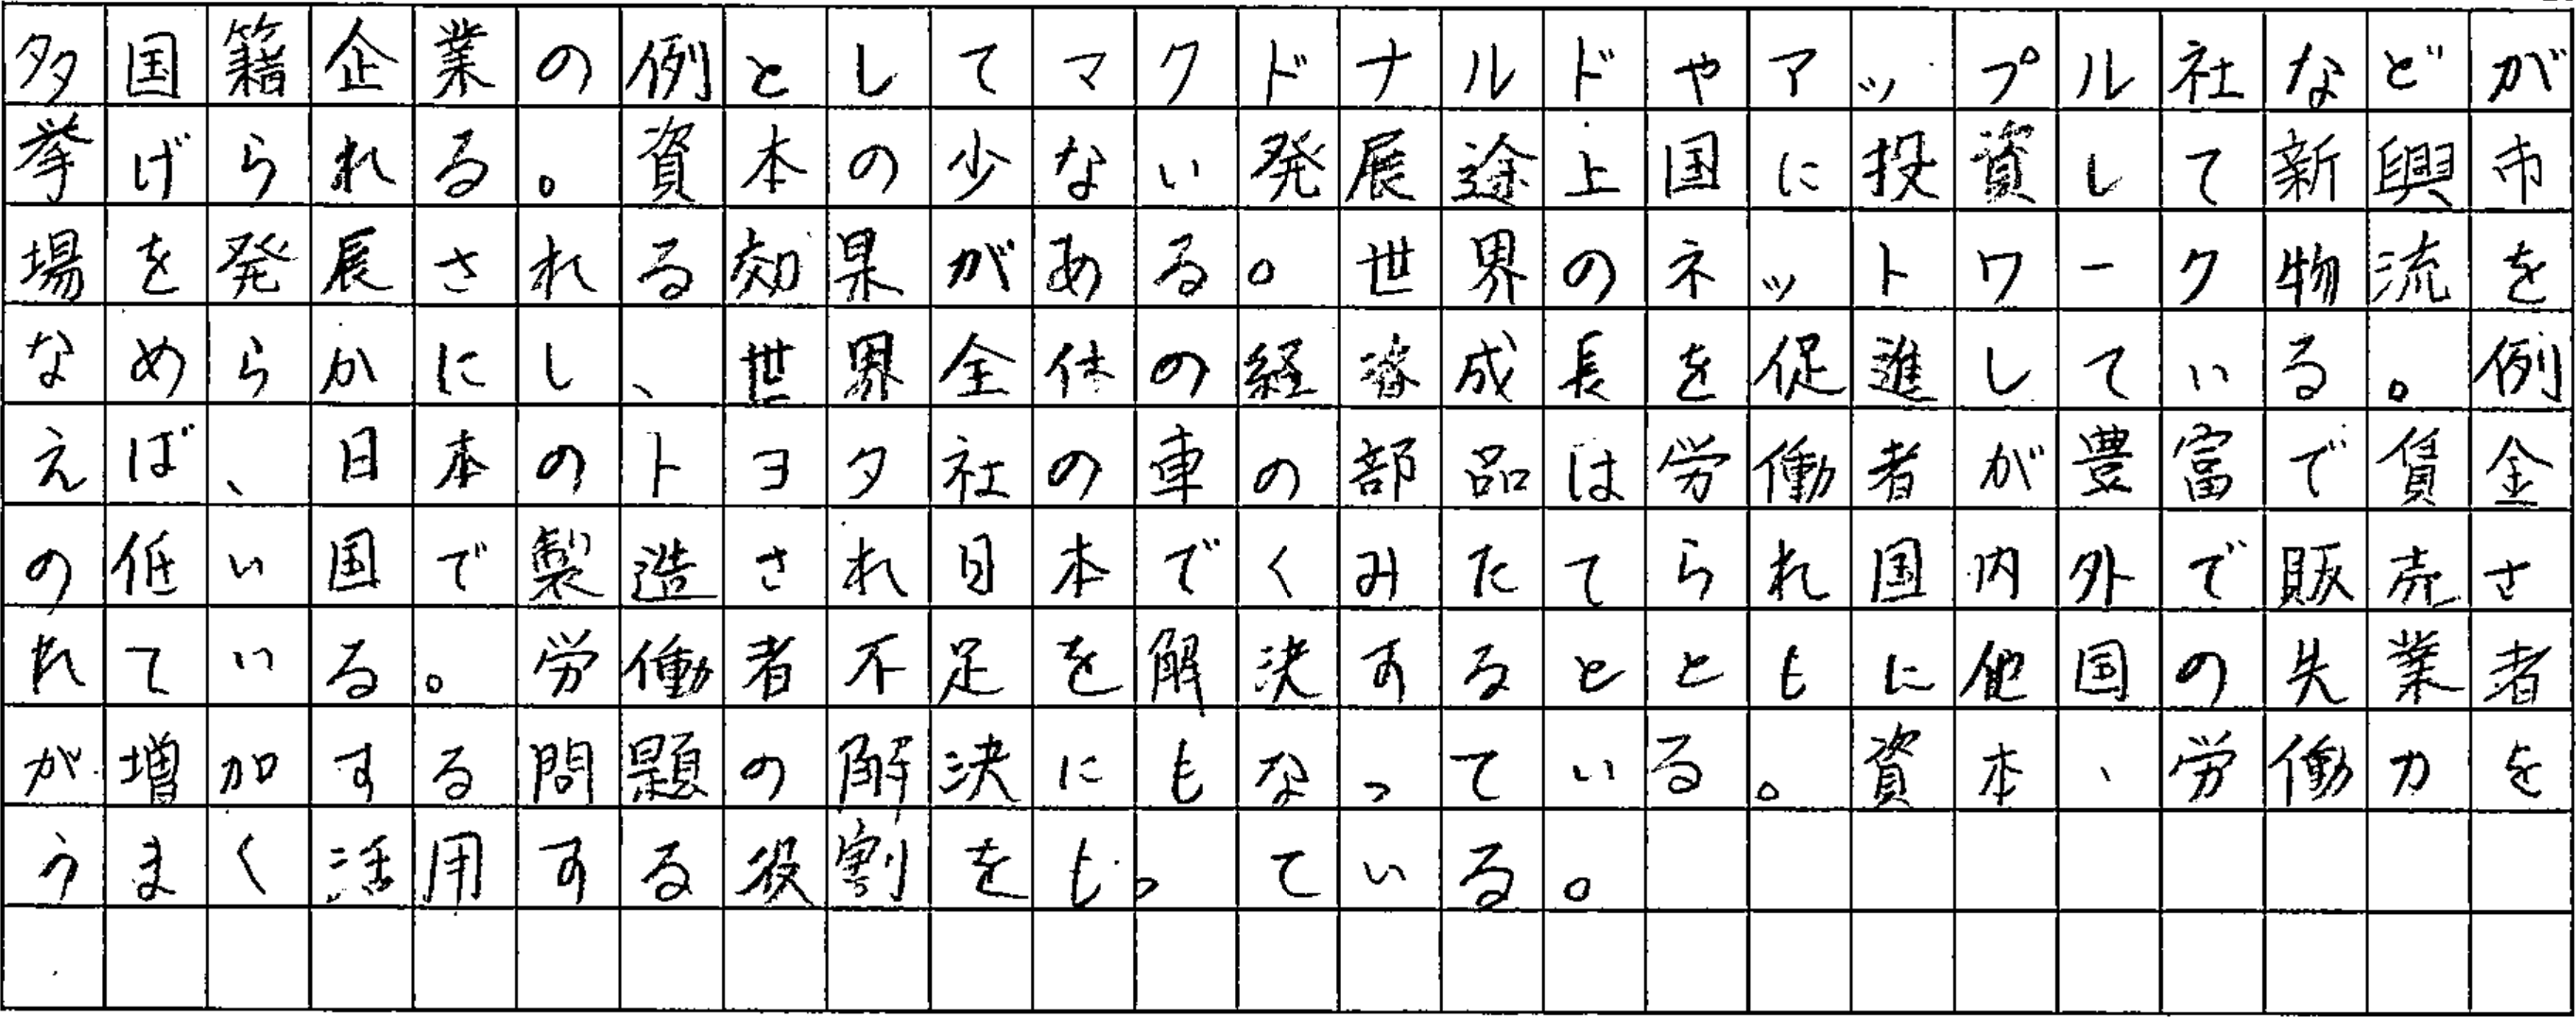多国籍企業の例としてマクドナルドやアップル社などが挙げられる。資本の少ない発展途上国に投資して新興市場を発展される効果がある。世界のネットワーク物流をなめらかにし、世界全体の経済成長を促進している。例えば、日本のトヨタ社の車の部品は労働者が豊富で賃金の低い国で製造され日本でくみたてられ国内外で販売されている。労働者不足を解決するとともに他国の失業者が増加する問題の解決にもなっている。資本・労働力をうまく活用する役割をもっている。
